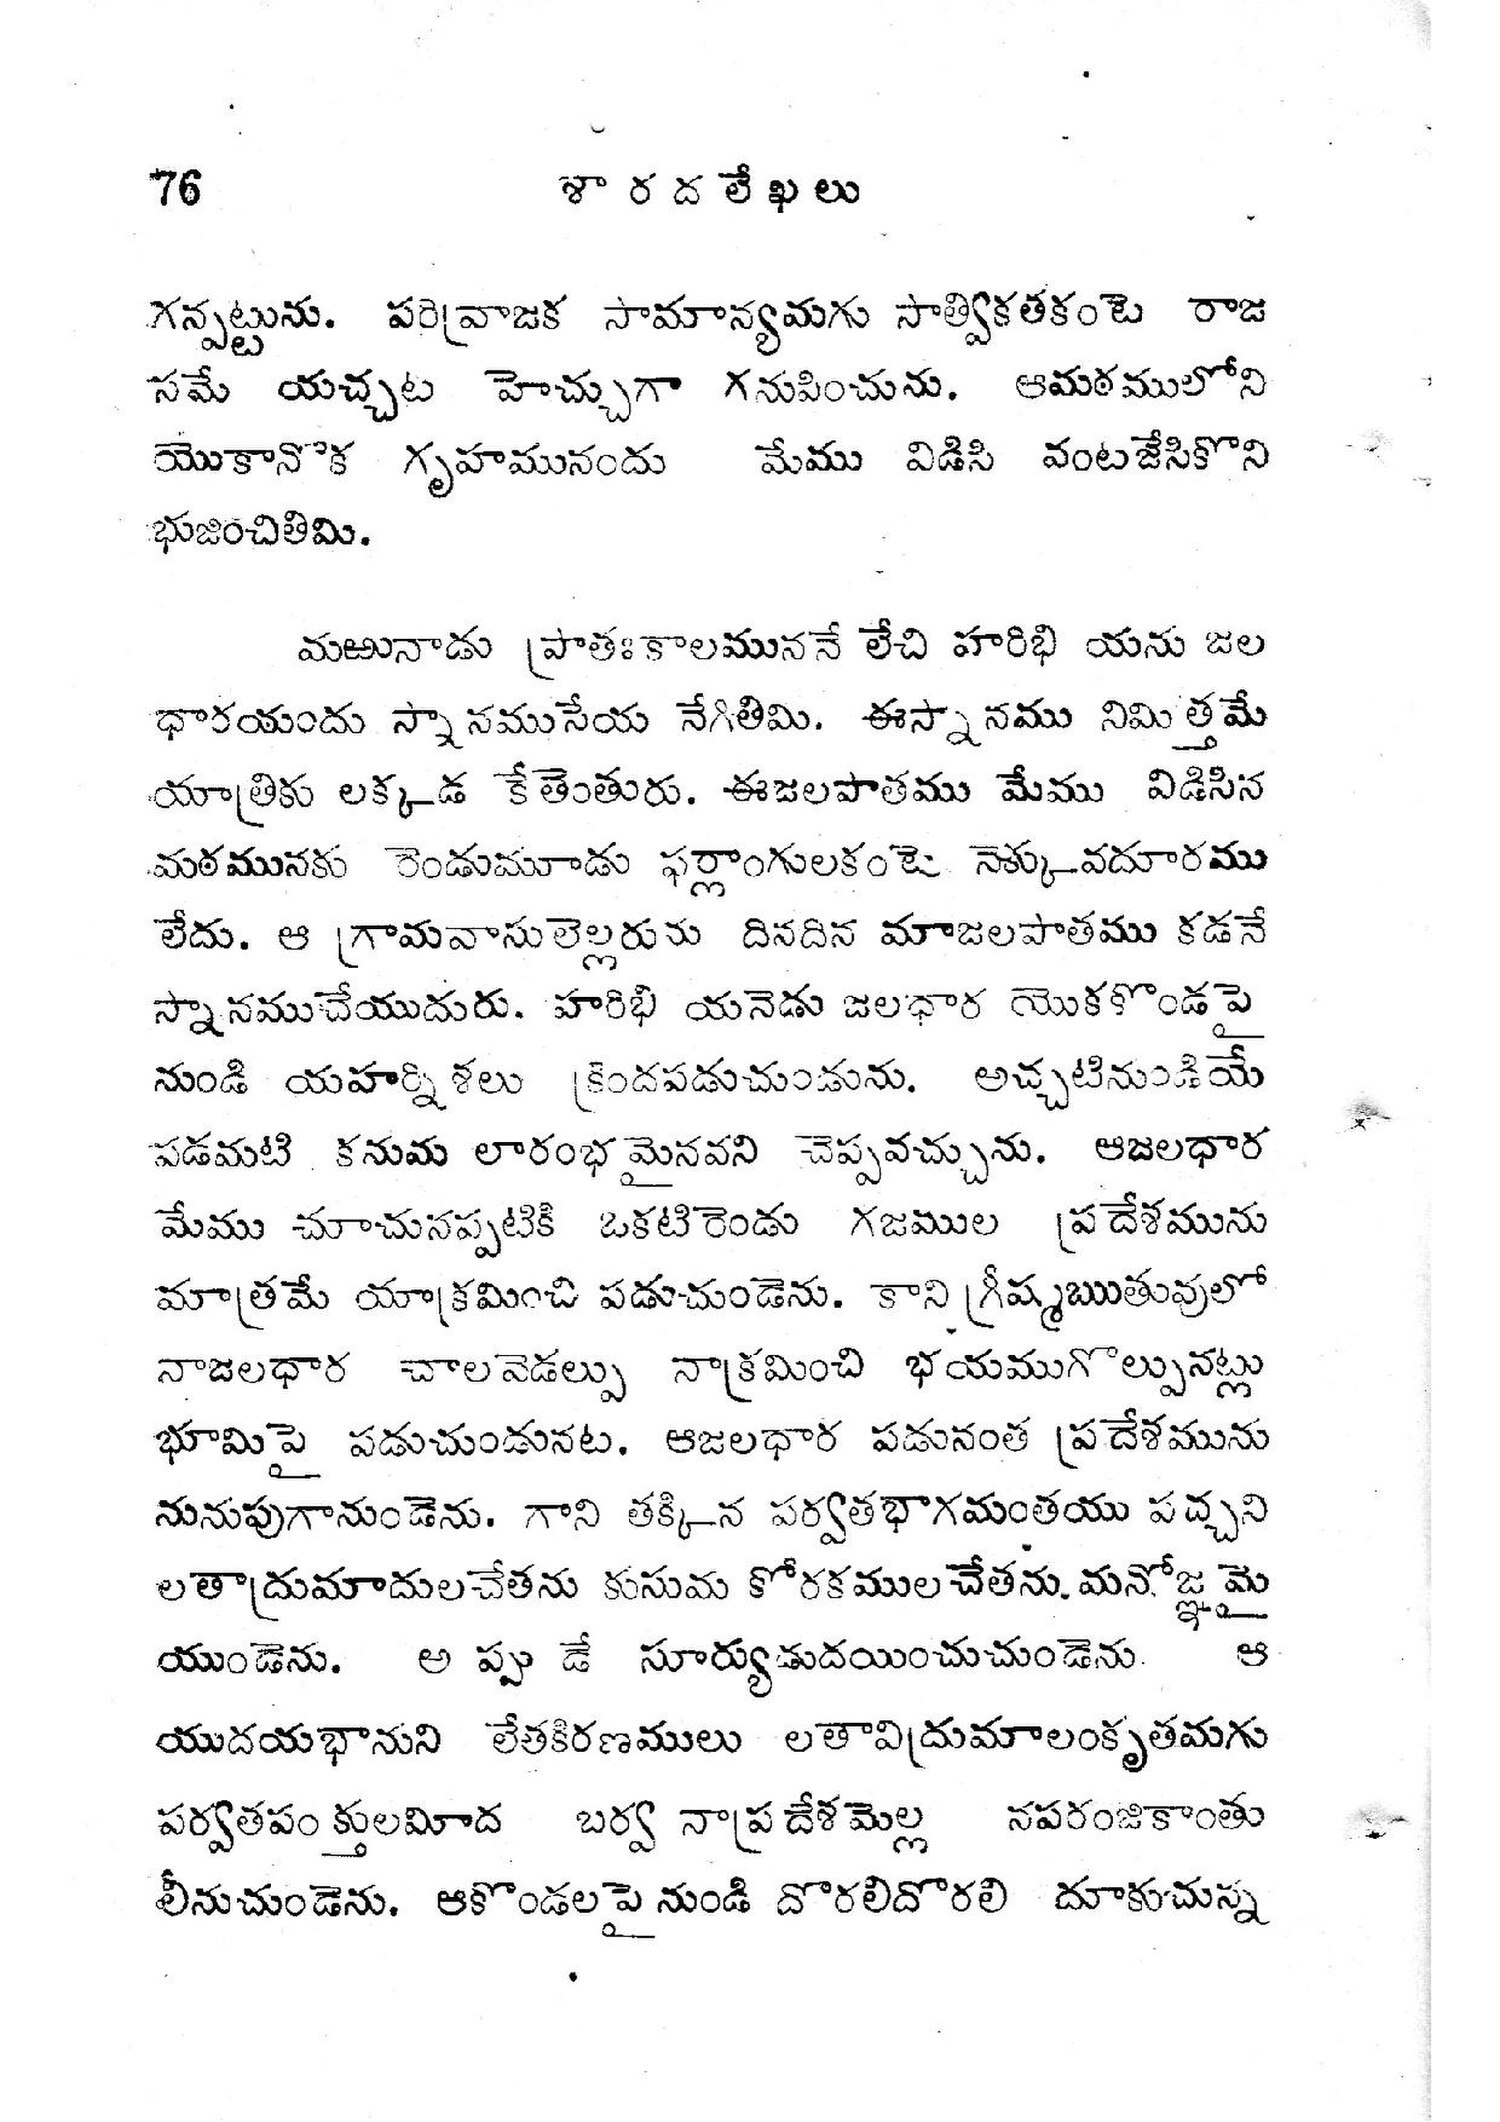గన్పట్టును. పరివ్రాజక సామాన్యమగు సాత్వికతకంటె రాజసమే యచ్చట హెచ్చుగా గనుపించును. ఆమఠములోని యొకానొక గృహమునందు మేము విడిసి వంటజేసికొని భుజించితిమి.

మఱునాడు ప్రాతఃకాలముననే లేచి హరిభి యను జలధారయందు స్నానముసేయ నేగితిమి. ఈస్నానము నిమిత్తమే యాత్రికు లక్కడ కేతెంతురు. ఈజలపాతము మేము విడిసిన మఠమునకు రెండుమూడు ఫర్లాంగులకంటె నెక్కువదూరము లేదు. ఆ గ్రామవాసులెల్లరును దినదిన మాజలపాతము కడనే
స్నానముచేయుదురు. హరిభి యనెడు జలధార యొకకొండపై నుండి యహర్నిశలు క్రిందపడుచుండును. అచ్చటినుండియే పడమటి కనుమ లారంభమైనవని చెప్పవచ్చును. ఆజలధార మేము చూచునప్పటికి ఒకటిరెండు గజముల ప్రదేశమును మాత్రమే యాక్రమించి పడుచుండెను. కాని గ్రీష్మఋతువులో
నాజలధార చాలవెడల్పు నాక్రమించి భయముగొల్పునట్లు భూమిపై పడుచుండునట. ఆజలధార పడునంత ప్రదేశమును నునుపుగానుండెను. గాని తక్కిన పర్వతభాగమంతయు పచ్చని లతాద్రుమాదులచేతను కుసుమ కోరకములచేతను మనోజ్ఞమై యుండెను. అప్పుడే సూర్యుడుదయించుచుండెను. ఆ 
యుదయభానుని లేతకిరణములు లతావిద్రుమాలంకృతమగు పర్వతపంక్తులమీద బర్వ నాప్రదేశమెల్ల నపరంజికాంతు లీనుచుండెను. ఆకొండలపైనుండి దొరలిదొరలి దూకుచున్న